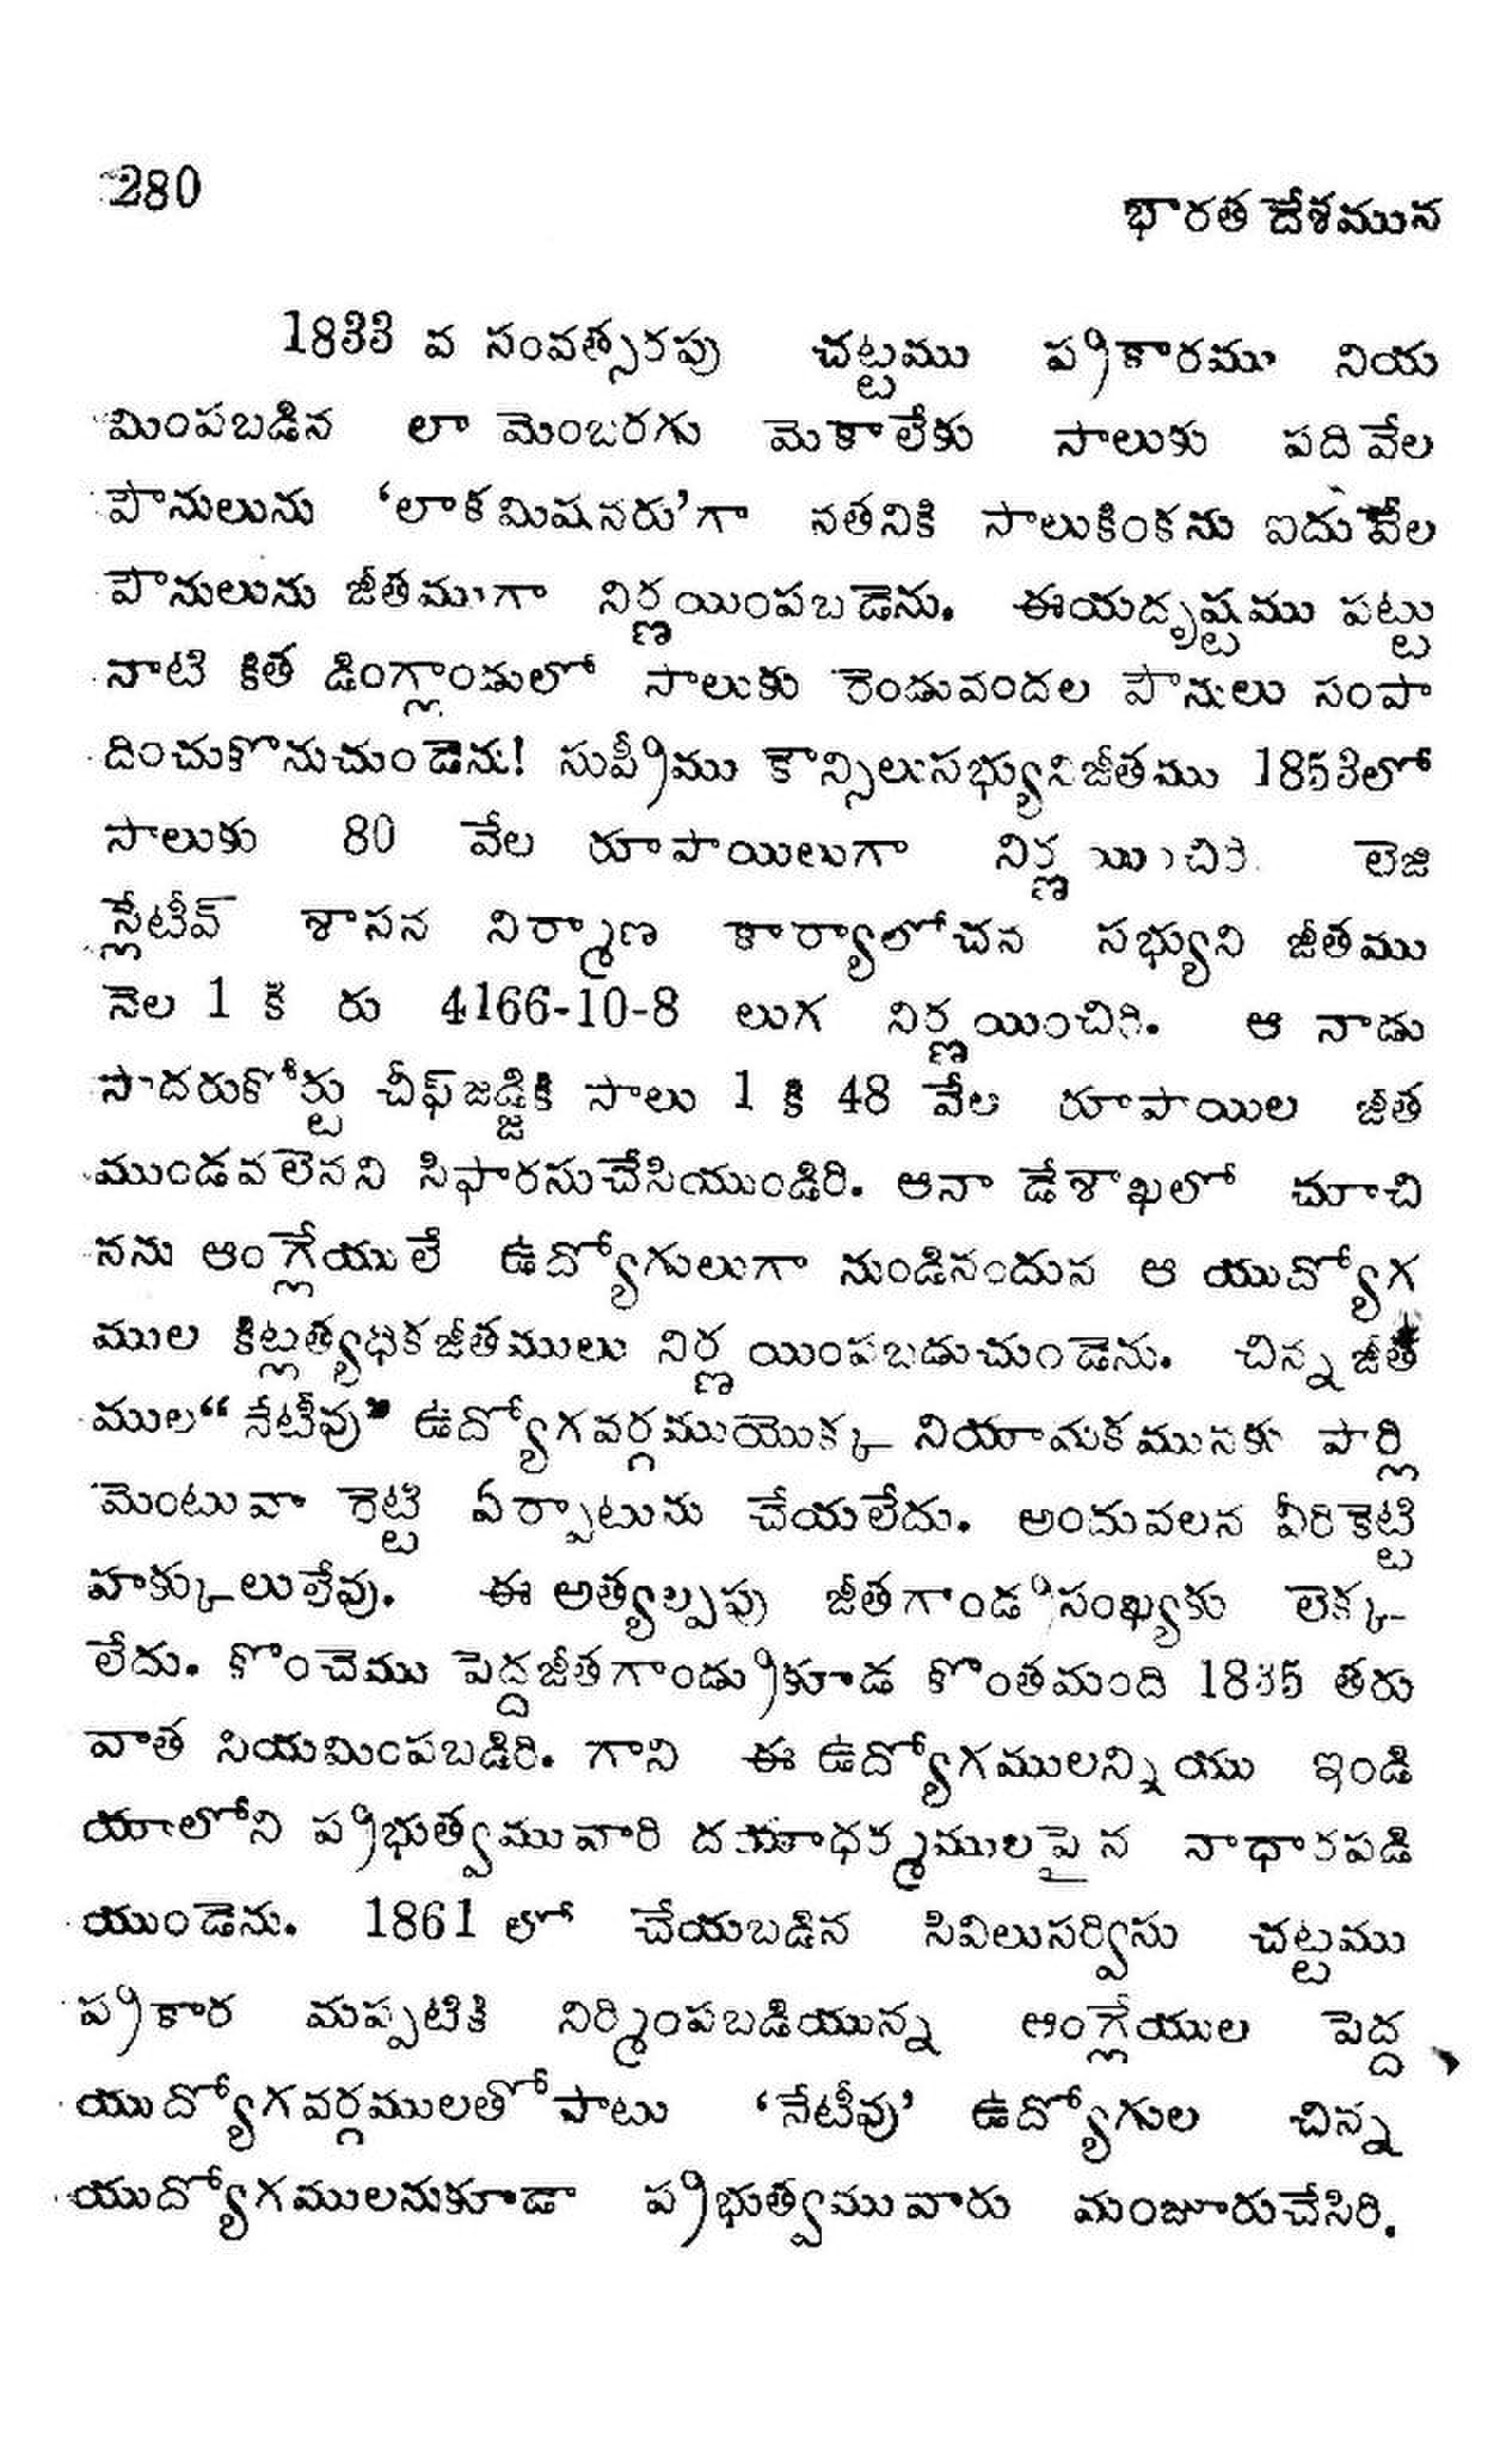1833 వ సంవత్సరపు చట్టము ప్రకారము నియమింపబడిన లా మెంబరగు మెకాలేకు సాలుకు పదివేల పౌనులును 'లాకమిషనరు'గా నతనికి సాలుకింకను ఐదువేల పౌనులును జీతముగా నిర్ణయింపబడెను. ఈయదృష్టము పట్టునాటి కిత డింగ్లాండులో సాలుకు రెండువందల పౌసులు సంపాదించుకొనుచుండెను! సుప్రీముకౌన్సిలుసభ్యునిజీతము 1853లో సాలుకు 80 వేల రూపాయిలుగా నిర్ణయించిరి. లెజిస్టేటీవ్ శాసన నిర్మాణ కార్యాలోచన సభ్యుని జీతము నెల 1కి రు 4166-10-8 లుగ నిర్ణయించిరి. ఆ నాడు సాదరుకోర్టు చీఫ్ జడ్జికి సాలు 1 కి 48 వేల రూపాయిల జీతముండవలెనని సిఫారసు చేసియుండిరి. ఆనా డేశాఖలో చూచినను ఆంగ్లేయులే ఉద్యోగులుగా నుండినందున ఆ యుద్యోగముల కిట్లత్యధికజీతములు నిర్ణయింపబడుచుండెను. చిన్నజీతముల "నేటీవు” ఉద్యోగవర్గముయొక్క నియామకమునకు పార్లిమెంటువా రెట్టి ఏర్పాటును చేయలేదు. అందువలన వీరికెట్టి హక్కులులేవు. ఈ అత్యల్పపు జీతగాండ్రసంఖ్యకు లెక్కలేదు. కొంచెము పెద్దజీతగాండ్రుకూడ కొంతమంది 1835 తరువాత నియమింపబడిరి. గాని ఈ ఉద్యోగములన్నియు ఇండియాలోని ప్రభుత్వమువారి దయాధర్మములపైన నాధారపడి యుండెను. 1861 లో చేయబడిన సివిలుసర్వీసు చట్టము ప్రకార మప్పటికి నిర్మింపబడియున్న ఆంగ్లేయుల పెద్దయుద్యోగవర్గములతో పాటు 'నేటివు' ఉద్యోగుల చిన్న యుద్యోగములనుకూడా ప్రభుత్వమువారు మంజూరుచేసిరి.